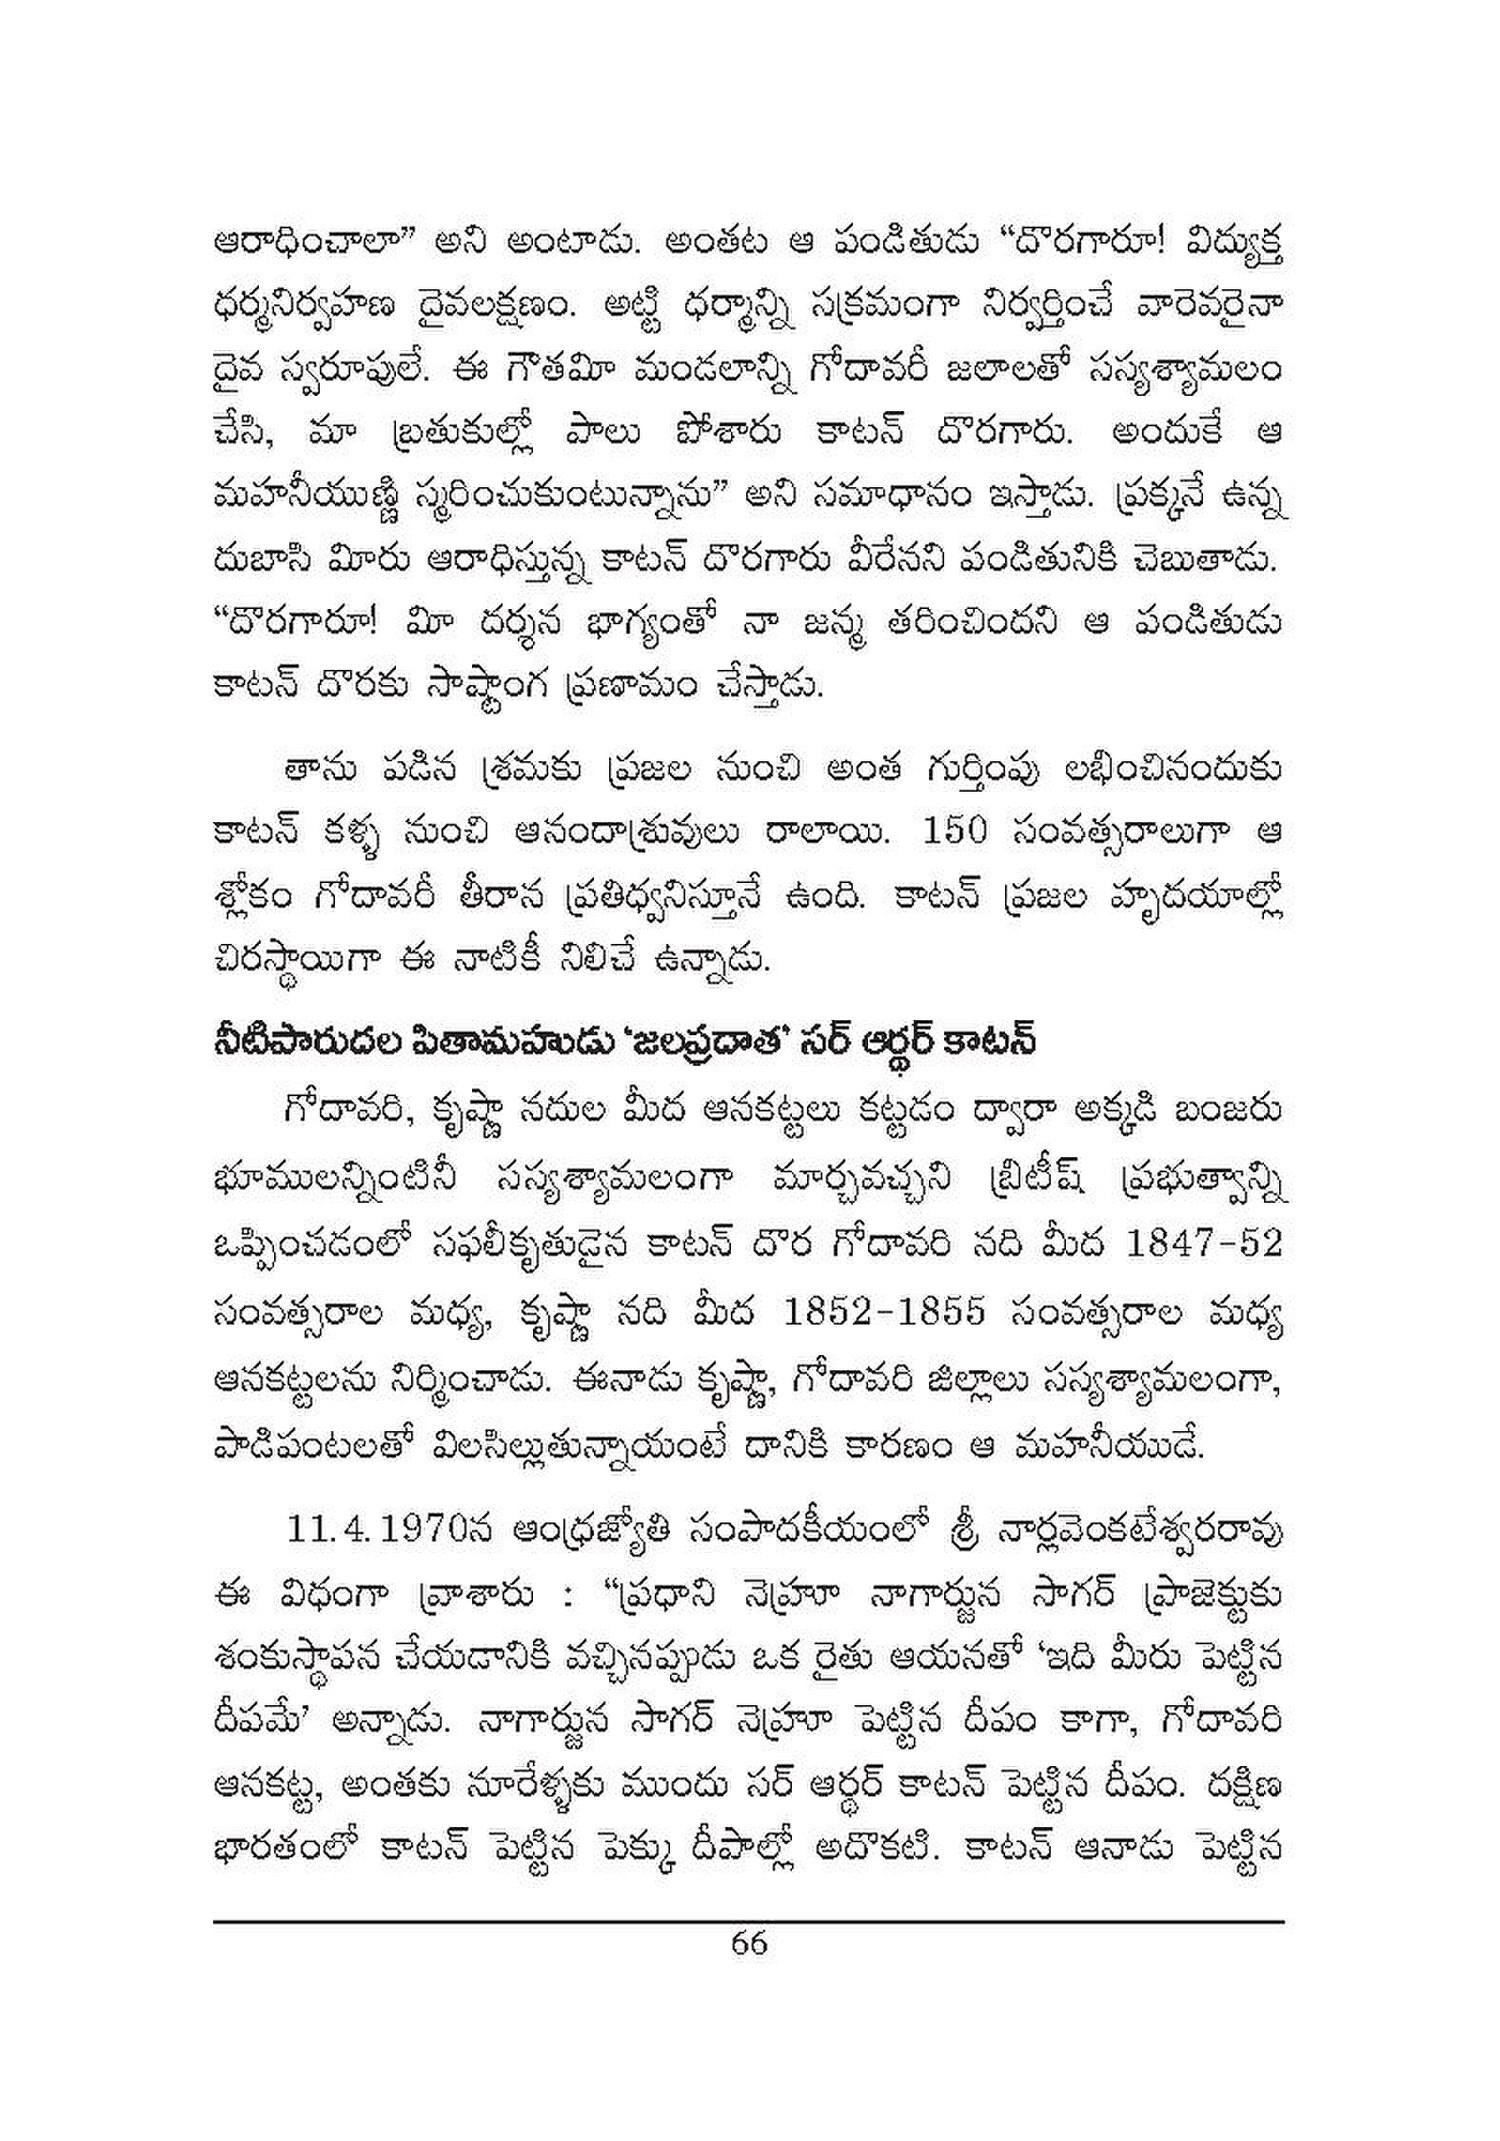ఆరాధించాలా" అని అంటాడు. అంతట ఆ పండితుడు "దొరగారూ! విద్యుక్త ధర్మనిర్వహణ దైవలక్షణం. అట్టి ధర్మాన్ని సక్రమంగా నిర్వర్తించే వారెవరైనా దైవ స్వరూపులే. ఈ గౌతమి మండలాన్ని గోదావరీ జలాలతో సస్యశ్యామలం చేసి, మా బ్రతుకుల్లో పాలు పోశారు కాటన్ దొరగారు. అందుకే ఆ మహనీయుణ్ణి స్మరించుకుంటున్నాను" అని సమాధానం ఇస్తాడు. ప్రక్కనే ఉన్న దుబాసి మిూరు ఆరాధిస్తున్న కాటన్ దొరగారు వీరేనని పండితునికి చెబుతాడు. "దొరగారూ! మీ దర్శన భాగ్యంతో నా జన్మ తరించిందని ఆ పండితుడు కాటన్ దొరకు సాష్టాంగ ప్రణామం చేస్తాడు.

తాను పడిన శ్రమకు ప్రజల నుంచి అంత గుర్తింపు లభించినందుకు కళ్ళ నుంచి ఆనందాశ్రువులు రాలాయి. 150 సంవత్సరాలుగా ఆ శ్లోకం గోదావరీ తీరాన ప్రతిధ్వనిస్తూనే ఉంది. కాటన్ ప్రజల హృదయాల్లో చిరస్థాయిగా ఈ నాటికీ నిలిచే ఉన్నాడు.

నీటిపారుదల పితామహుడు 'జలప్రదాత' సర్ ఆర్థర్ కాటన్

గోదావరి, కృష్ణా నదుల మీద ఆనకట్టలు కట్టడం ద్వారా అక్కడి బంజరు భూములన్నింటినీ సస్యశ్యామలంగా మార్చవచ్చని బ్రిటీష్ ప్రభుత్వాన్ని ఒప్పించడంలో సఫలీకృతుడైన కాటన్ దొర గోదావరి నది మీద 1847-52 సంవత్సరాల మధ్య కృష్ణా నది మీద 1852-1855 సంవత్సరాల మధ్య ఆనకట్టలను నిర్మించాడు. ఈనాడు కృష్ణా, గోదావరి జిల్లాలు సస్యశ్యామలంగా, పాడిపంటలతో విలసిల్లుతున్నాయంటే దానికి కారణం ఆ మహనీయుడే.

11.4.1970న ఆంధ్రజ్యోతి సంపాదకీయంలో శ్రీ నార్లవెంకటేశ్వరరావు ఈ విధంగా వ్రాశారు : "ప్రధాని నెహ్రూ నాగార్జున సాగర్ ప్రాజెక్టుకు శంకుస్థాపన చేయడానికి వచ్చినప్పుడు ఒక రైతు ఆయనతో "ఇది మీరు పెట్టిన దీపమే" అన్నాడు. నాగార్డున సాగర్ నెహ్రూ పెట్టిన దీపం కాగా, గోదావరి ఆనకట్ట, అంతకు నూరేళ్ళకు ముందు సర్ ఆర్థర్ కాటన్ పెట్టిన దీపం. దక్షిణ భారతంలో కాటన్ పెట్టిన పెక్కు దీపాల్లో అదొకటి. కాటన్ ఆనాడు పెట్టిన